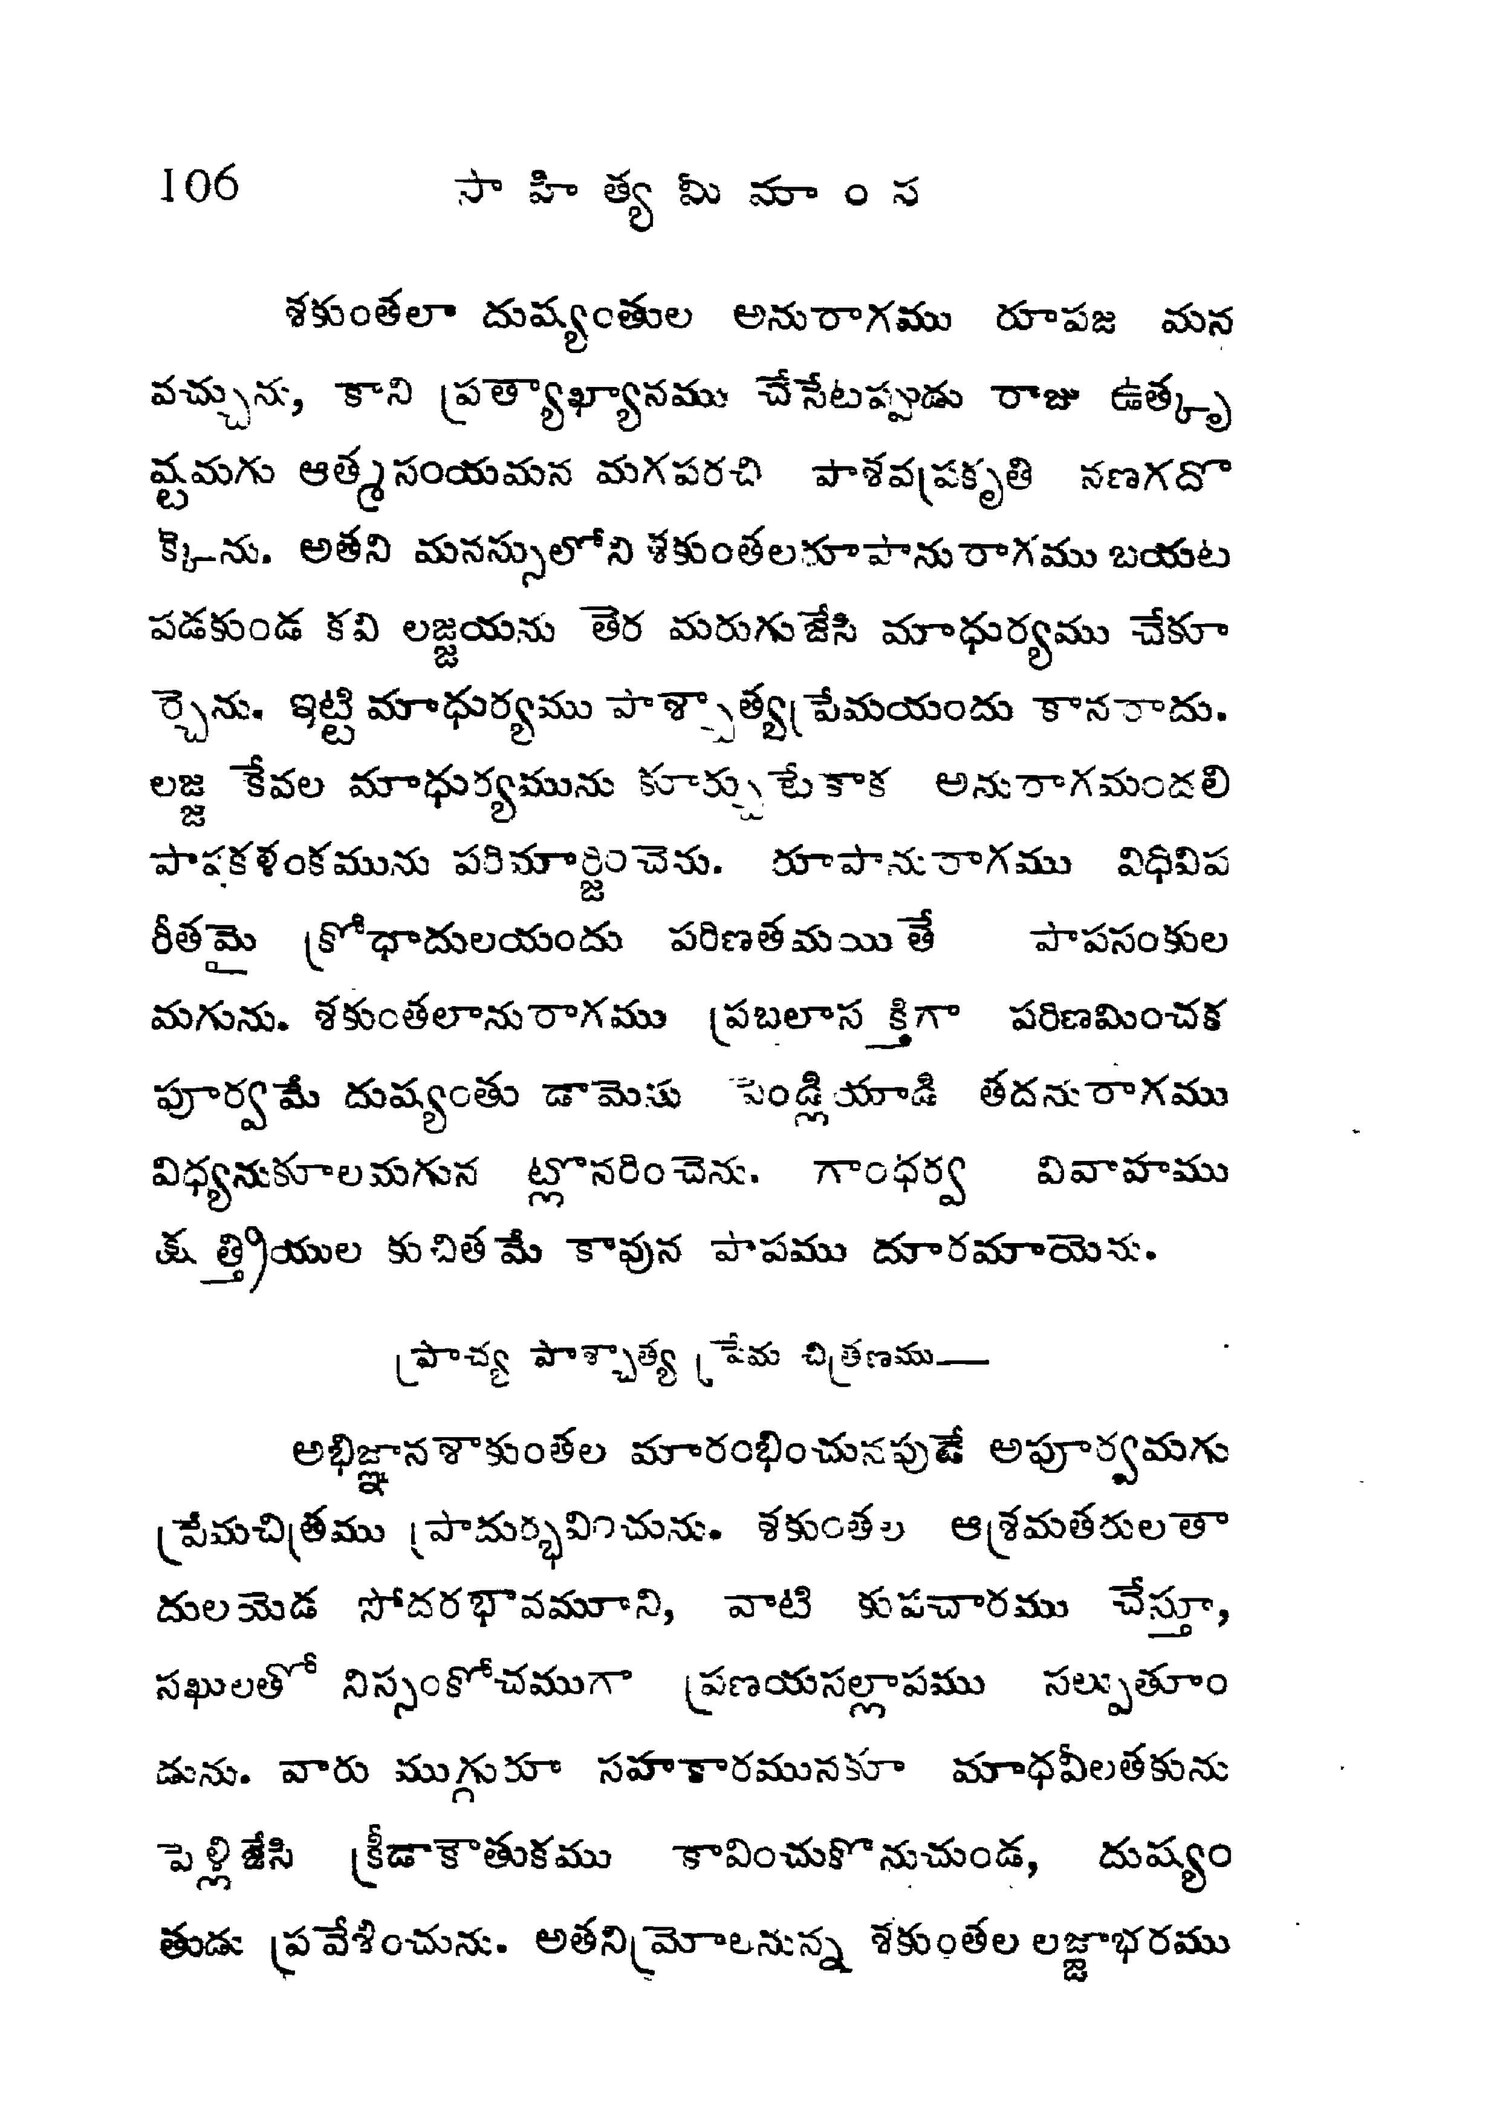శకుంతలా దుష్యంతుల అనురాగము రూపజ మనవచ్చును, కాని ప్రత్యాఖ్యానము చేసేటప్పుడు రాజు ఉత్కృష్టమగు ఆత్మసంయమన మగపరచి పాశవప్రకృతి నణగదొక్కెను. అతని మనస్సులోని శకుంతలరూపానురాగము బయట పడకుండ కవి లజ్జయను తెర మరుగుజేసి మాధుర్యము చేకూర్చెను. ఇట్టి మాధుర్యము పాశ్చాత్యప్రేమయందు కానరాదు. లజ్జ కేవల మాధుర్యమును కూర్చుటేకాక అనురాగమందలి పాపకళంకమును పరిమార్జించెను. రూపానురాగము విధివిపరీతమై క్రోధాదులయందు పరిణతమయితే పాపసంకులమగును. శకుంతలానురాగము ప్రబలాసక్తిగా పరిణమించక పూర్వమే దుష్యంతు డామెను పెండ్లియాడి తదనురాగము విధ్యనుకూలమగున ట్లొనరించెను. గాంధర్వ వివాహము క్షత్రియుల కుచితమే కావున పాపము దూరమాయెను.

అభిజ్ఞానశాకుంతల మారంభించునపుడే అపూర్వమగు ప్రేమచిత్రము ప్రాదుర్భవించును. శకుంతల ఆశ్రమతరులతాదులయెడ సోదరభావమూని, వాటి కుపచారము చేస్తూ, సఖులతో నిస్సంకోచముగా ప్రణయసల్లాపము సల్పుతూండును. వారు ముగ్గురూ సహకారమునకూ మాధవీలతకును పెళ్లిజేసి క్రీడాకౌతుకము కావించుకొనుచుండ, దుష్యంతుడు ప్రవేశించును. అతనిమ్రోలనున్న శకుంతల లజ్జాభరము